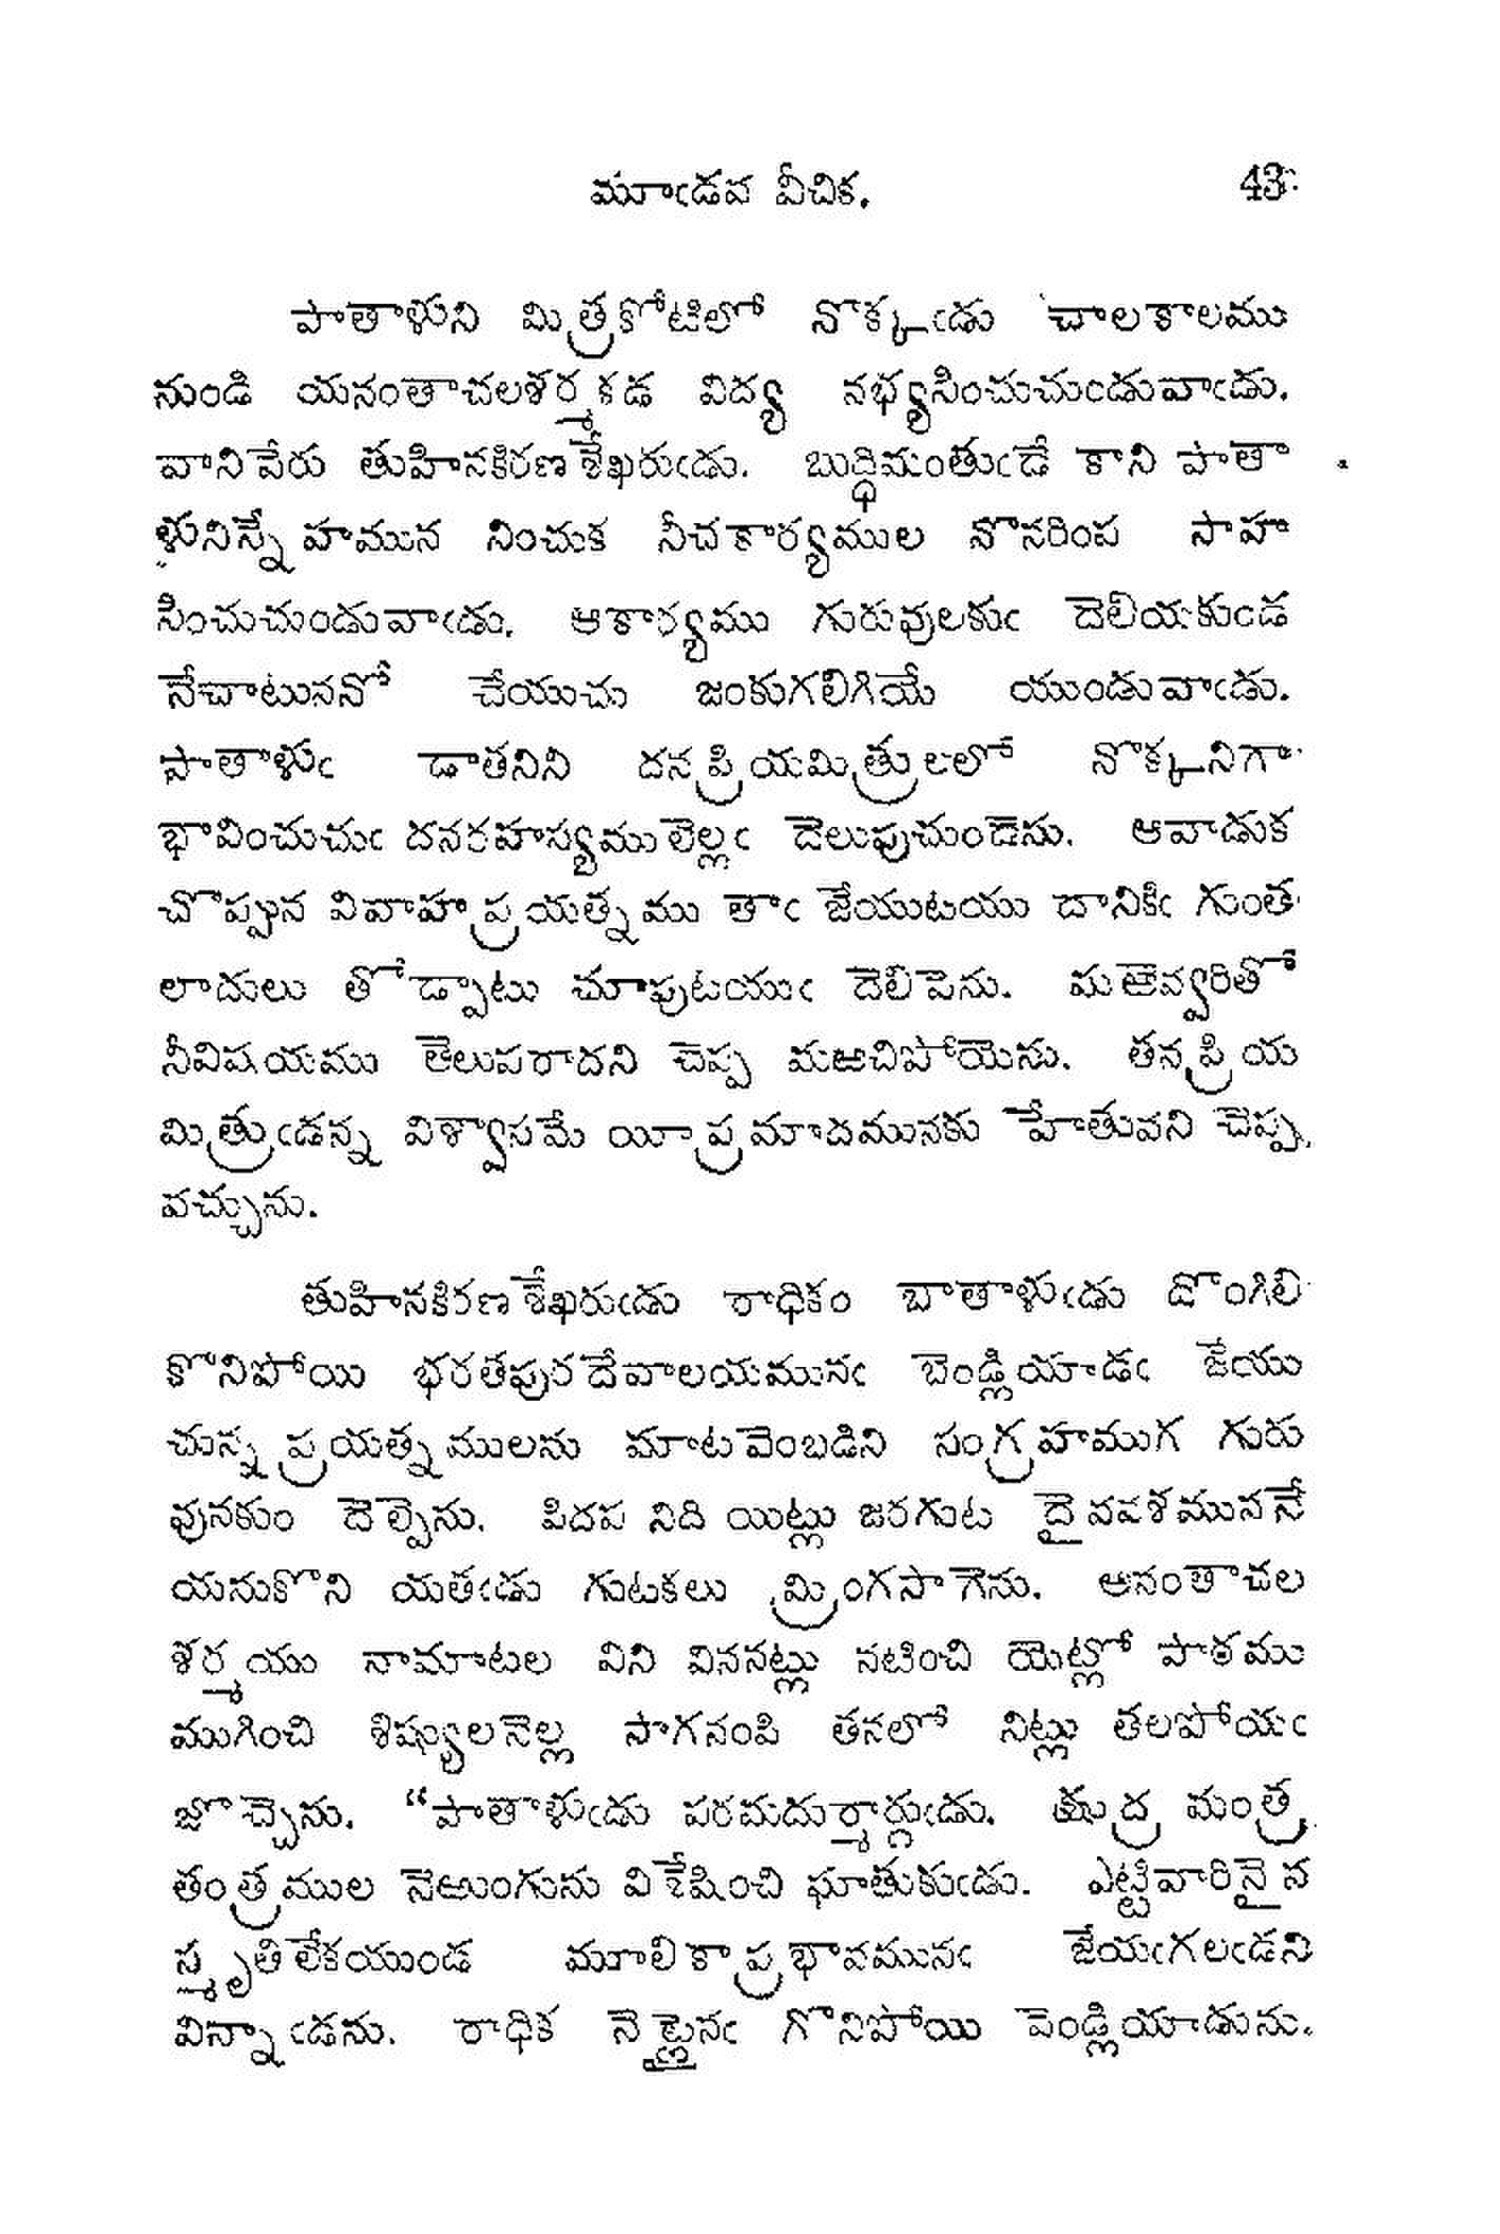పాతాళుని మిత్రకోటిలో నొక్కఁడు 'చాల కాలము నుండి యనంతాచలశర్మ కడ విద్య నభ్యసించుచుండువాఁడు. వానిపేరు తుహినకిరణ శేఖరుఁడు. బుద్ధిమంతుఁడే కాని పాతాళుని స్నేహమున నించుక నీచ కార్యముల నొసరింప సాహసించుచుండువాఁడు. ఆ కార్యము గురువులకుఁ దెలియకుండ నేచాటుననో చేయుచు జంకుగలిగియే యుండువాఁడు. పాతాళుఁ డాతనిని దన ప్రియమిత్రులలో నొక్కనిగా భావించుచుఁ దనరహస్యములెల్లఁ దెలుపుచుండెను. ఆవాడుక చొప్పున వివాహ ప్రయత్నము తాఁ జేయుటయు దానికిఁ గుంత లాదులు తోడ్పాటు చూపుటయుఁ దెలిపెను. మఱెవ్వరితో నీవిషయము తెలుప రాదని చెప్ప మఱచిపోయెను. తన ప్రియ మిత్రుఁడన్న విశ్వాసమే యీ ప్రమాదమునకు హేతువని చెప్పవచ్చును.

తుహినకిరణ శేఖరుఁడు రాధికం బాతాళుడు దొంగిలి కొనిపోయి భరతపుర దేవాలయమునఁ బెండ్లియాడఁ జేయు చున్న ప్రయత్నములను మాట వెంబడిని సంగ్రహముగ గురువునకుం దెల్పెను. పిదప నిది యిట్లు జరగుట దైవవశముననే యనుకొని యతఁడు గుటకలు మ్రింగసాగెను. అనంతాచల శర్మయు నామాటల విని విననట్లు నటించి యెట్లో పాఠము ముగించి శిష్యులనెల్ల సాగనంపి తనలో నిట్లు తలపోయఁ జొచ్చెను. “పాతాళుఁడు పరమదుర్మార్గుడు. క్షుద్ర మంత్ర, తంత్ర ముల నెఱుంగును విశేషించి ఘాతుకుఁడు. ఎట్టివారినైన స్మృతి లేకయుండ మూలికా ప్రభావమునఁ జేయఁగలడని విన్నాఁడను. రాధిక నెట్లైన గొనిపోయి పెండ్లియాడును.